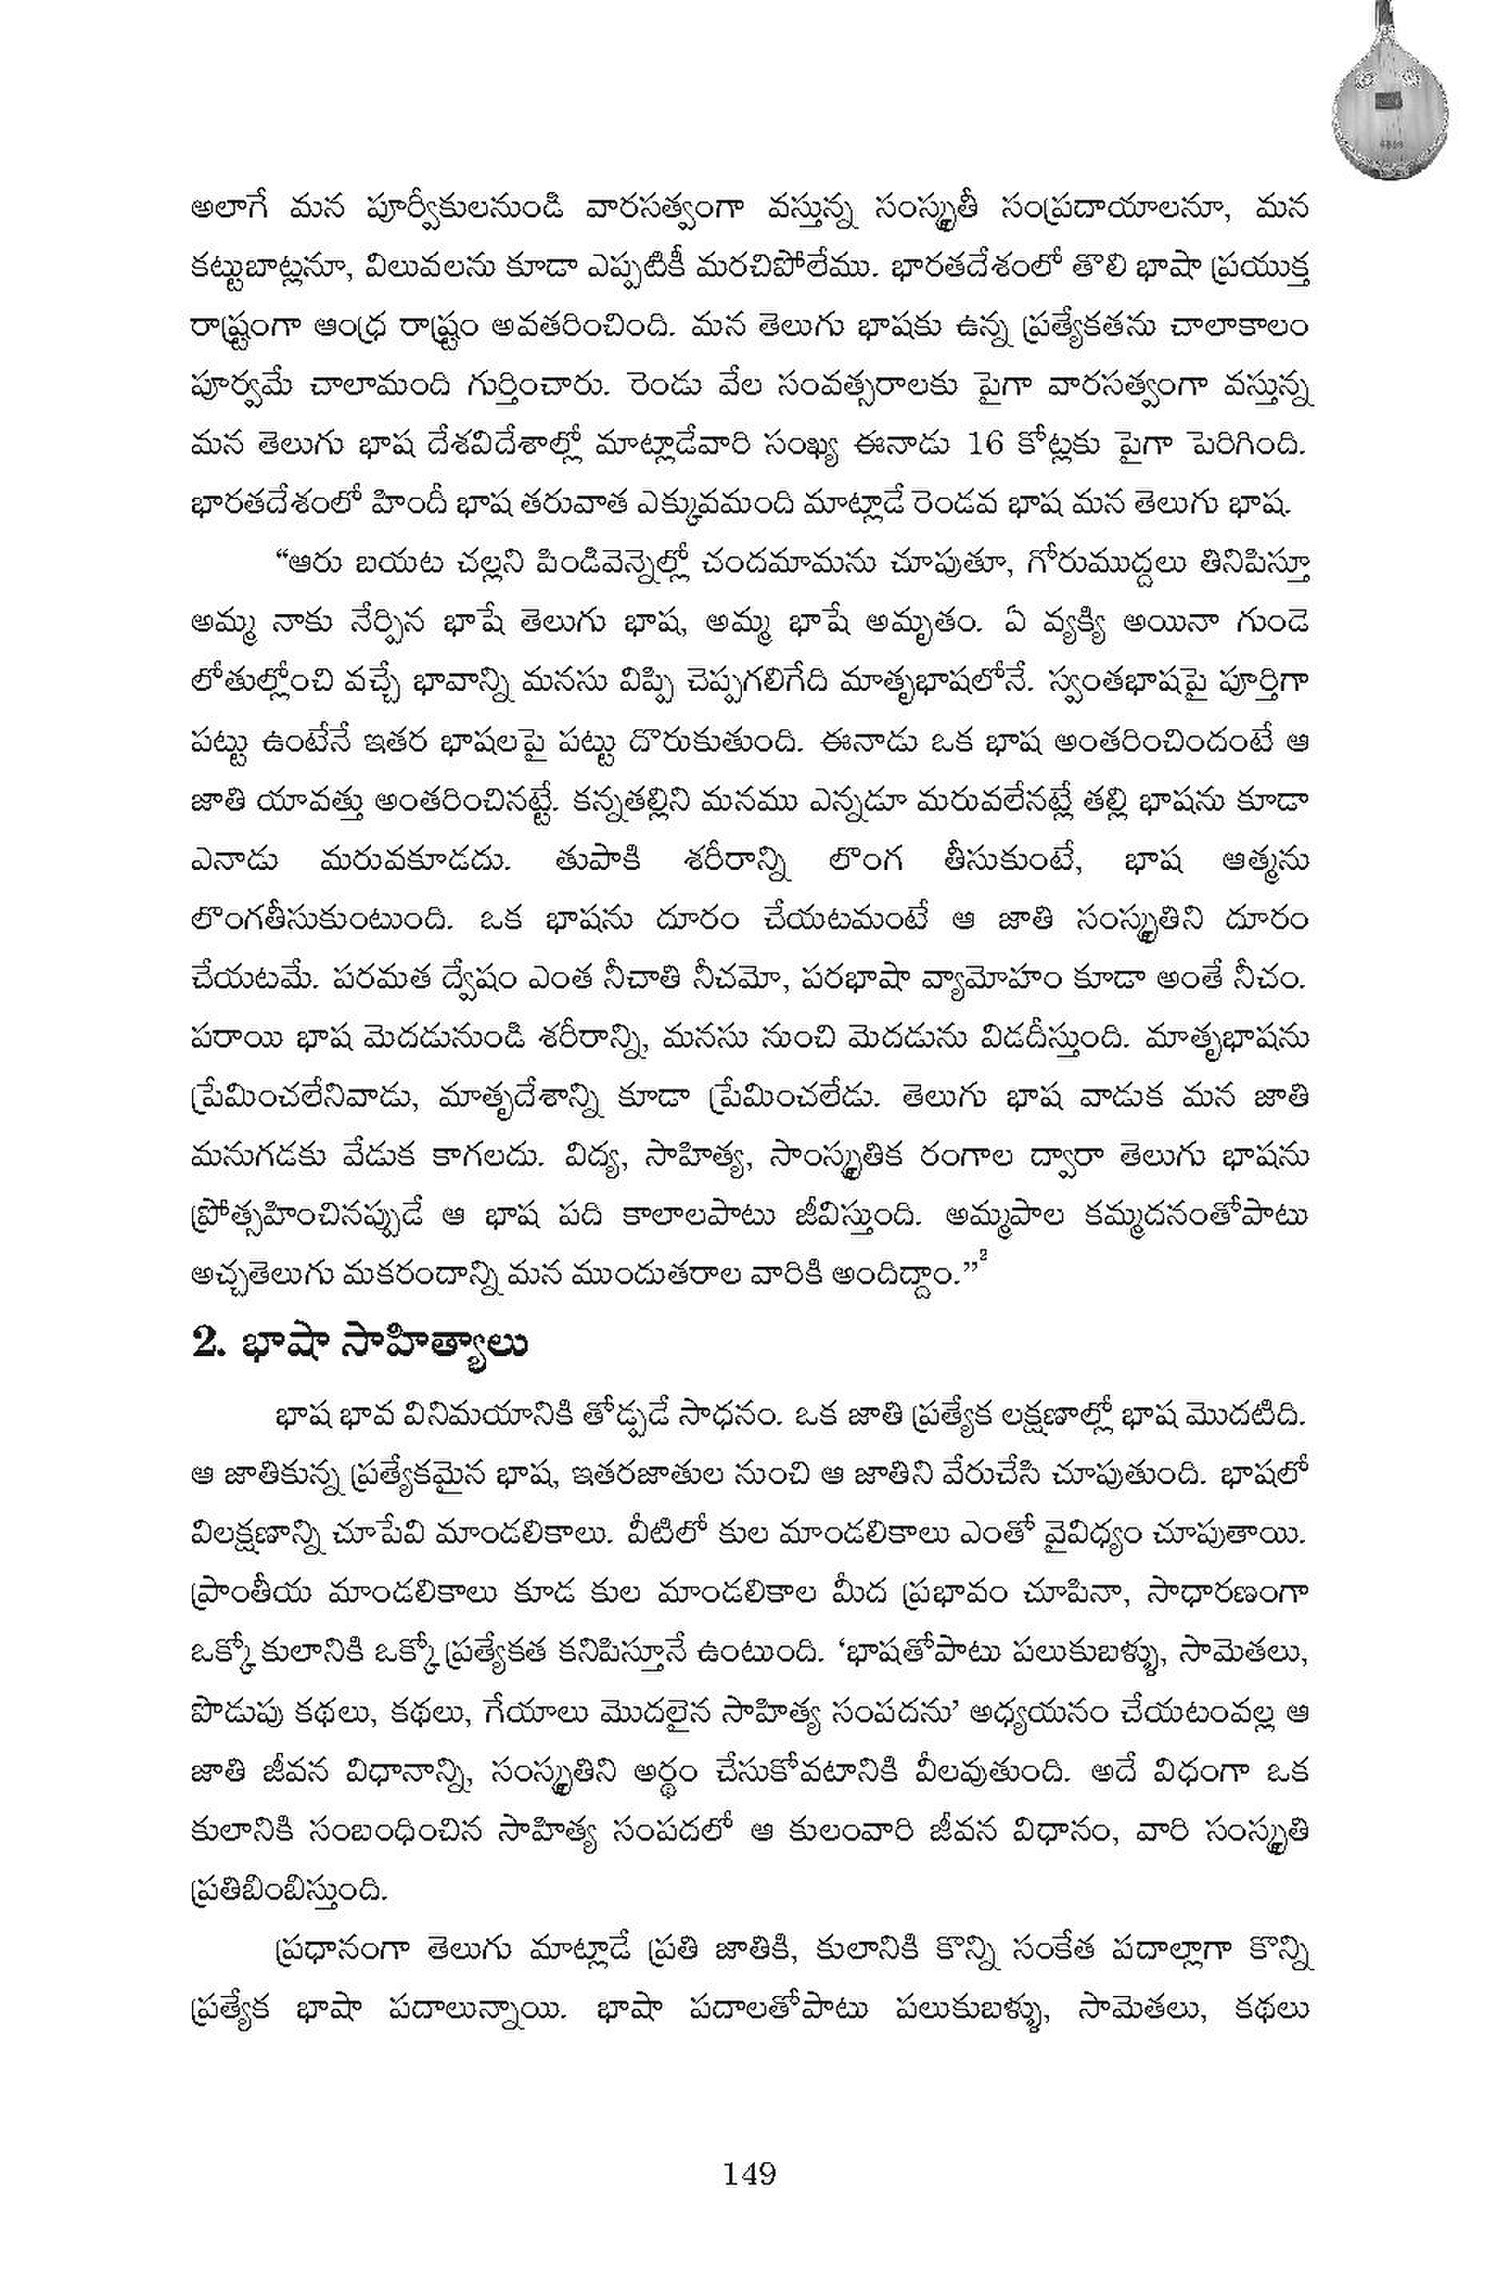అలాగే మన పూర్వీకులనుండి వారసత్వంగా వస్తున్న సంస్కృతీ సంప్రదాయాలనూ, మన కట్టుబాట్లనూ, విలువలను కూడా ఎప్పటికీ మరచిపోలేము. భారతదేశంలో తొలి భాషా ప్రయుక్త రాష్ట్రంగా ఆంధ్ర రాష్ట్రం అవతరించింది. మన తెలుగు భాషకు ఉన్న ప్రత్యేకతను చాలాకాలం పూర్వమే చాలామంది గుర్తించారు. రెండు వేల సంవత్సరాలకు పైగా వారసత్వంగా వస్తున్న మన తెలుగు భాష దేశవిదేశాల్లో మాట్లాడేవారి సంఖ్య ఈనాడు 16 కోట్లకు పైగా పెరిగింది. భారతదేశంలో హిందీ భాష తరువాత ఎక్కువమంది మాట్లాడే రెండవ భాష మన తెలుగు భాష.

"ఆరు బయట చల్లని పిండివెన్నెల్లో చందమామను చూపుతూ, గోరుముద్దలు తినిపిస్తూ అమ్మ నాకు నేర్పిన భాషే తెలుగు భాష, అమ్మ భాషే అమృతం. ఏ వ్యక్యి అయినా గుండె లోతుల్లోంచి వచ్చే భావాన్ని మనసు విప్పి చెప్పగలిగేది మాతృభాషలోనే. స్వంతభాషపై పూర్తిగా పట్టు ఉంటేనే ఇతర భాషలపై పట్టు దొరుకుతుంది. ఈనాడు ఒక భాష అంతరించిందంటే ఆ జాతి యావత్తు అంతరించినట్టే. కన్నతల్లిని మనము ఎన్నడూ మరువలేనట్లే తల్లి భాషను కూడా
ఎనాడు మరువకూడదు. తుపాకి శరీరాన్ని లొంగ తీసుకుంటే, భాష ఆత్మను లొంగతీసుకుంటుంది. ఒక భాషను దూరం చేయటమంటే ఆ జాతి సంస్కృతిని దూరం చేయటమే. పరమత ద్వేషం ఎంత నీచాతి నీచమో, పరభాషా వ్యామోహం కూడా అంతే నీచం. పరాయి భాష మెదడునుండి శరీరాన్ని, మనసు నుంచి మెదడును విడదీస్తుంది. మాతృభాషను
ప్రేమించలేనివాడు, మాతృదేశాన్ని కూడా ప్రేమించలేడు. తెలుగు భాష వాడుక మన జాతి మనుగడకు వేడుక కాగలదు. విద్య, సాహిత్య, సాంస్కృతిక రంగాల ద్వారా తెలుగు భాషను ప్రోత్సహించినప్పుడే ఆ భాష పది కాలాలపాటు జీవిస్తుంది. అమ్మపాల కమ్మదనంతోపాటు అచ్చతెలుగు మకరందాన్ని మన ముందుతరాల వారికి అందిద్దాం.”2

2. భాషా సాహిత్యాలు 

భాష భావ వినిమయానికి తోడ్పడే సాధనం. ఒక జాతి ప్రత్యేక లక్షణాల్లో భాష మొదటిది. ఆ జాతికున్న ప్రత్యేకమైన భాష, ఇతరజాతుల నుంచి ఆ జాతిని వేరుచేసి చూపుతుంది. భాషలో విలక్షణాన్ని చూపేవి మాండలికాలు. వీటిలో కుల మాండలికాలు ఎంతో వైవిధ్యం చూపుతాయి. ప్రాంతీయ మాండలికాలు కూడ కుల మాండలికాల మీద ప్రభావం చూపినా, సాధారణంగా ఒక్కో కులానికి ఒక్కో ప్రత్యేకత కనిపిస్తూనే ఉంటుంది. 'భాషతోపాటు పలుకుబళ్ళు, సామెతలు, పొడుపు కథలు, కథలు, గేయాలు మొదలైన సాహిత్య సంపదను' అధ్యయనం చేయటంవల్ల ఆ జాతి జీవన విధానాన్ని, సంస్కృతిని అర్థం చేసుకోవటానికి వీలవుతుంది. అదే విధంగా ఒక కులానికి సంబంధించిన సాహిత్య సంపదలో ఆ కులంవారి జీవన విధానం, వారి సంస్కృతి ప్రతిబింబిస్తుంది.

ప్రధానంగా తెలుగు మాట్లాడే ప్రతి జాతికి, కులానికి కొన్ని సంకేత పదాల్లాగా కొన్ని ప్రత్యేక భాషా పదాలున్నాయి. భాషా పదాలతోపాటు పలుకుబళ్ళు, సామెతలు, కథలు